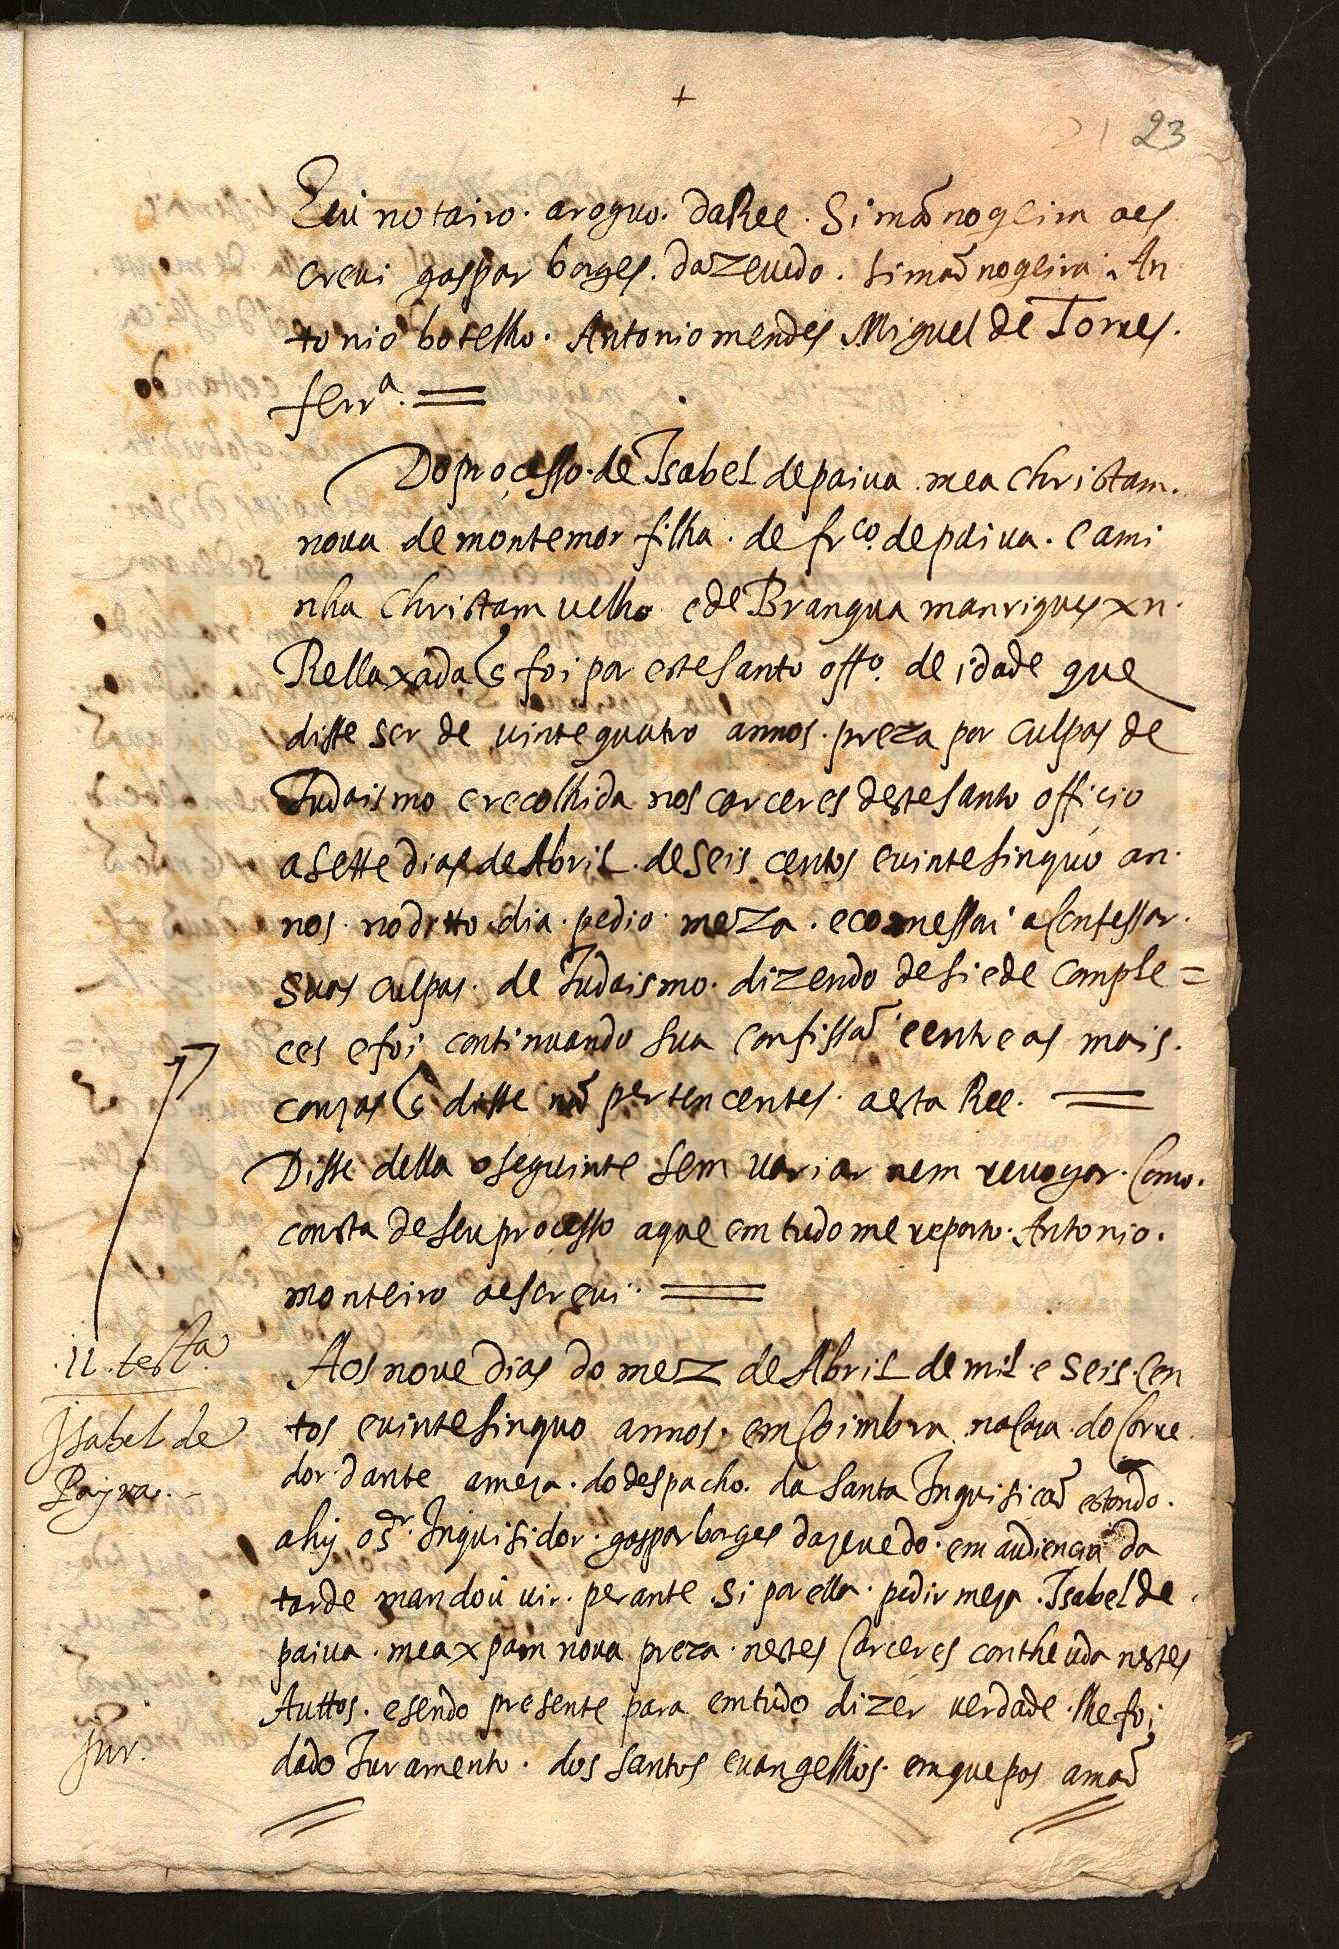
.11. test.a
Jsabel de
Payva.
Jur.
E eu notairo a roguo da Ree Simaõ nogeira o es
creui gaspar borges dazeuedo. simaõ nogeira. An
tonio botelho. Antonio mendes Miguel de Torres.
ferra.
Do processo de Isabel de paiua mea christam
noua de montemor filha de frco. de paiua cami
nha christam uelho e de Branqua manriques xn.
Rellaxada q̄ foi por este santo offo de idade que
disse ser de uinte quatro annos. preza por culpas de
Iudaismo e recolhida nos carceres deste santo officio
a sette dias de Abril de Seiscentos e uinte sinquo an
nos no ditto dia pedio meza e comessou a Confessar
Suas culpas de Iudaismo. dizendo de si e de comple
ces e foi continuando sua confissaõ e entre as mais
cousas q̄ disse não pertencentes a esta Ree.
Disse della o seguinte sem uariar nem reuogar Como
consta de seu processo a que em tudo me reporto. Antonio
monteiro o escreui.
Aos noue dias do mez de AbriL de mil e SeisCen
tos e uinte sinquo annos em Coimbra na Caza do Corre
dor dante a meza do despacho da Santa Inquisiçaõ estando
ahy o sor. Inquisidor gaspar borges dazeuedo em audiencia da
tarde mandou uir perante si por ella pedir meza Isabel de
paiua mea xpam noua preza nestes Carceres contheuda nestes
Auttos. e sendo presente para em tudo dizer uerdade lhe foi
dado Iuramento dos santos euangelhos em que pos a maõ
